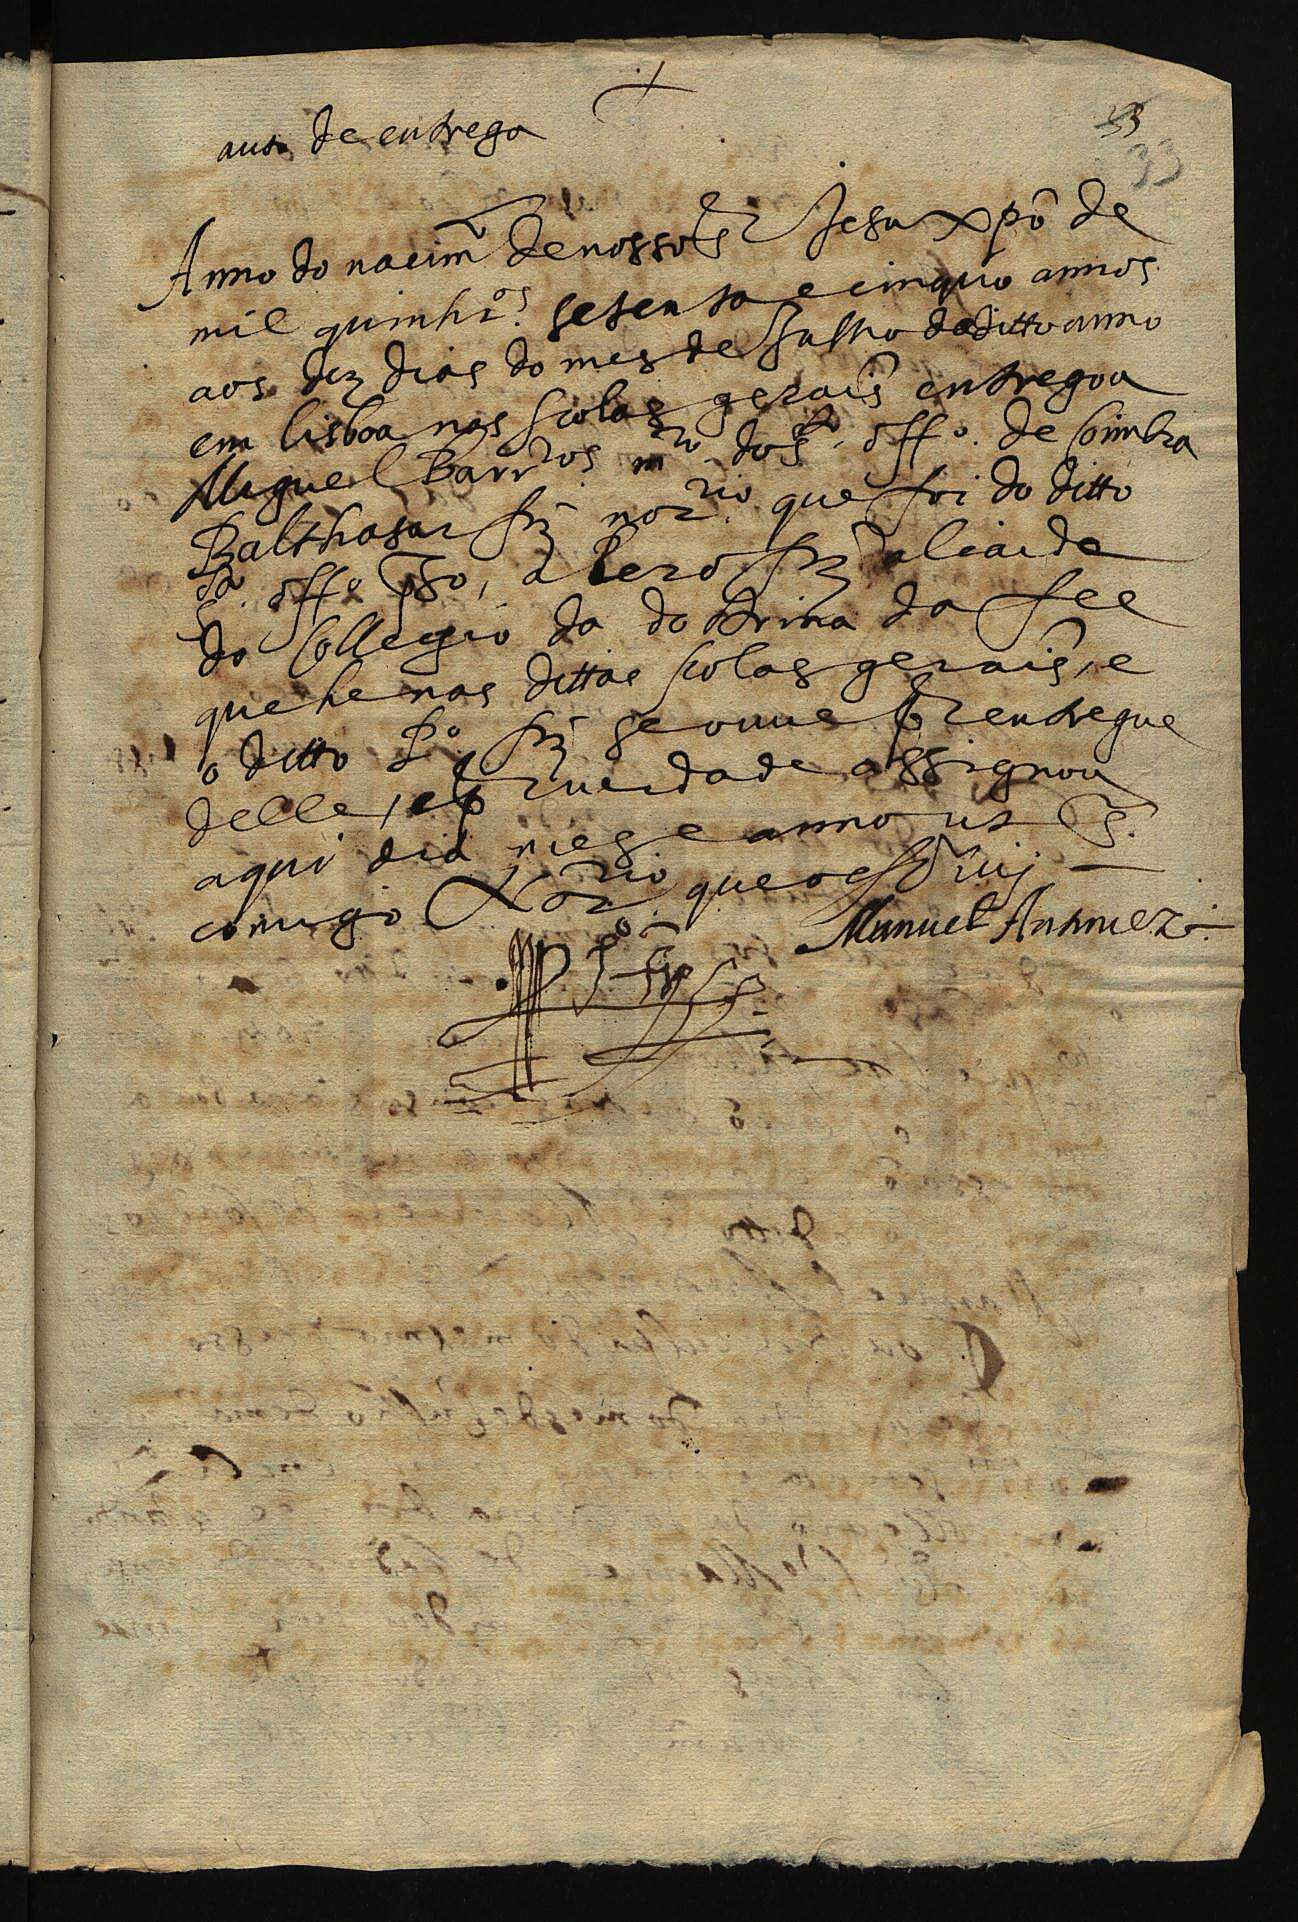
auto de entrega
Anno do nacimto de nosso sor Jesu xpō de
mil quinhtos. setenta e cinquo annos
aos dez dias do mes de Julho do ditto anno
em lisboa nas scolas geraīs entregou
Miguel Barrros mro. do sto. offo. de Coimbra
Balthasar frz̄ not.rio que foi do ditto
Sto. offo. p̄so, a Pero frz̄ alcaide
do Collegio da doctrina da fee
que he nas dittas scolas geraīs, e
o ditto Po. frz̄ se ouue por entregue
delle / e por uerdade assignou
aqui dia mes e anno ut s̄.
comigo Notrio. que o esc̄iuy
Manuel Antunez
Po f̄rz
